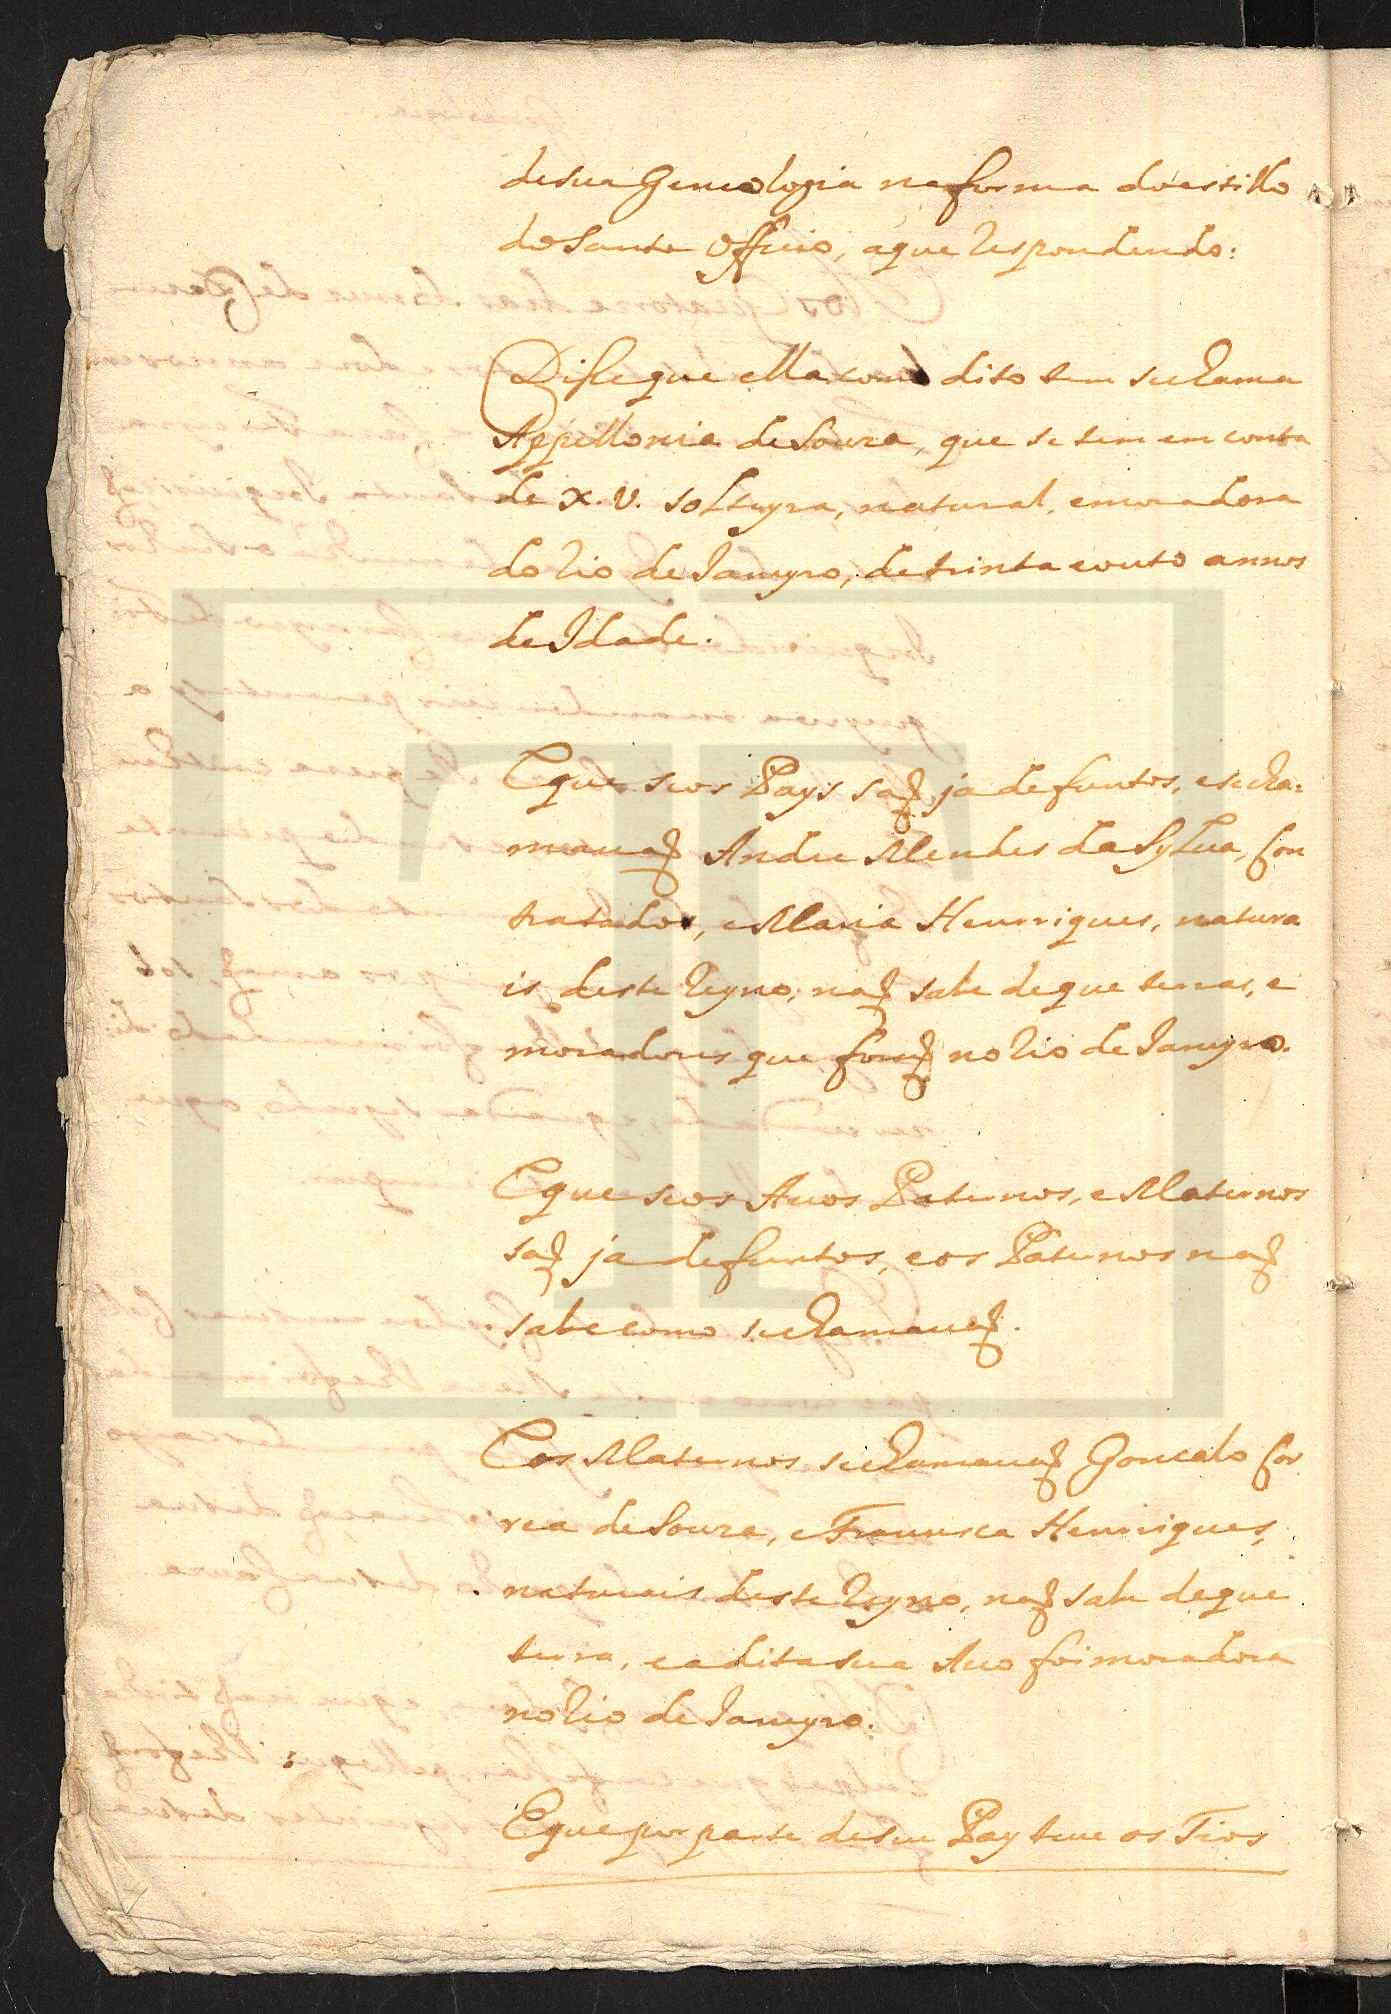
de sua geneologia na forma do estillo
do Santo officio, a que Respondendo:
Disse que ella como dito tem se chama
Appellonia de Souza, que se tem em conta
de x. v. solteyra, natural, e moradora
do Rio de Ianeyro, de trinta e outo annos
de Idade.
E que seos Pays saõ ja defuntos, e se cha
mauaõ Andre Mendes da Sylua, Con
tratador, e Maria Henrriques, natura
is deste Reyno; naõ sabe de que terras, e
moradores que foraõ no Rio de Ianeyro.
E que seos Auos Paternos, e Maternos
saõ ja defuntos, e os Paternos naõ
sabe como se chamauaõ.
E os Maternos se chamauaõ Gonçalo Cor
rea de Souza, e Fransisca Henrriques,
naturais deste Reyno, naõ sabe de que
terra, e a dita sua Auo foi moradora
no Rio de Ianeyro.
E que por parte de seu Pay teue os Tios
